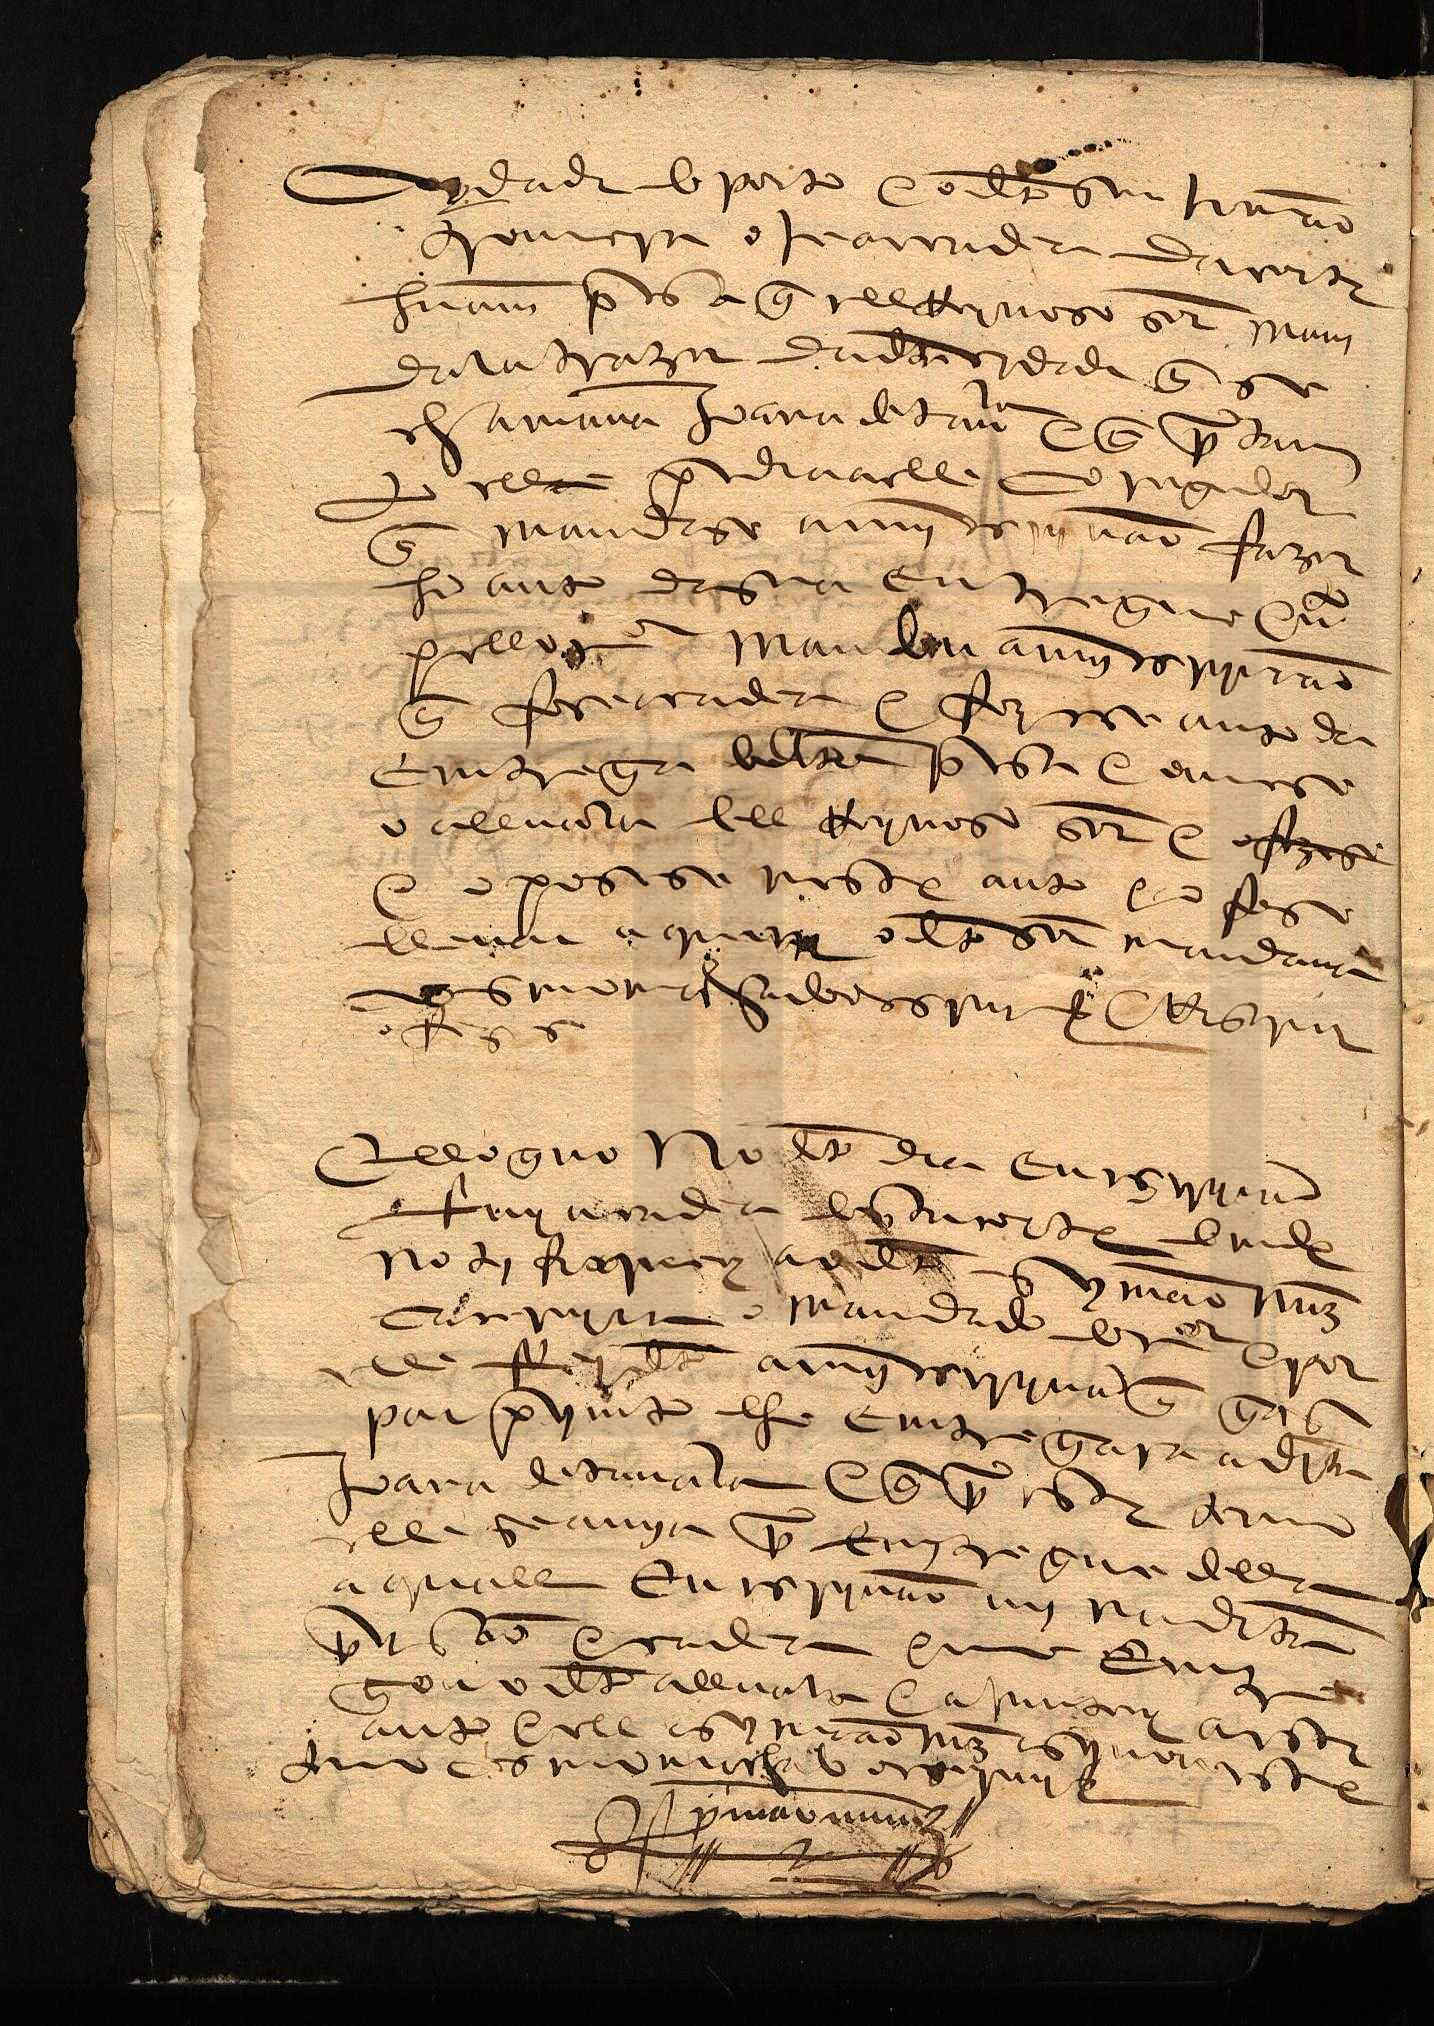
Cydade do porto e o dtō seu Jrmão
trouuera oJe a cadea da corte
huam p̄esa q̄ ell Rey noso s̄or mam
dara trazer da dt̄a cjdade q̄ se
chamaua Joana de taura e q̄ p̄otan
to elle pedia a elle Coregedor
q̄ mandase a mj̄ escryuão fazer
hū auto da sua entregua e uto
pello cor mandou a mȳ escryuão
q̄ fose a cadea e fezese auto da
Emtrega da dita p̄esa e ouuese
o alluora dell Rey noso s̄or e o fezese
e o posese neste auto e o fose
lleuar a quem o dtō s̄or mandaua
Cosmo machado o escreui e Risquei
o fezese
E lloguo No dtō dia Eu escryuão
fuy a cadea desta corte domde
notyfiquey ao dtō symão nūz
cacereyro o mandado do cor e por
elle foy dtō a mȳ escryuuaõ q̄ gas
par pymto lhe Emtregara a djta
Joana de tauara e q̄ p̄o este termo
elle se avya p̄o Emtregue della
a quall Eu escryuão uy na dita
p̄ysão e cadea e me Entre
gou o dito alluara e aJuntey a este
auto e ell symão nūz asynou este
termo cosmo machado o escreuy
symão nunez
